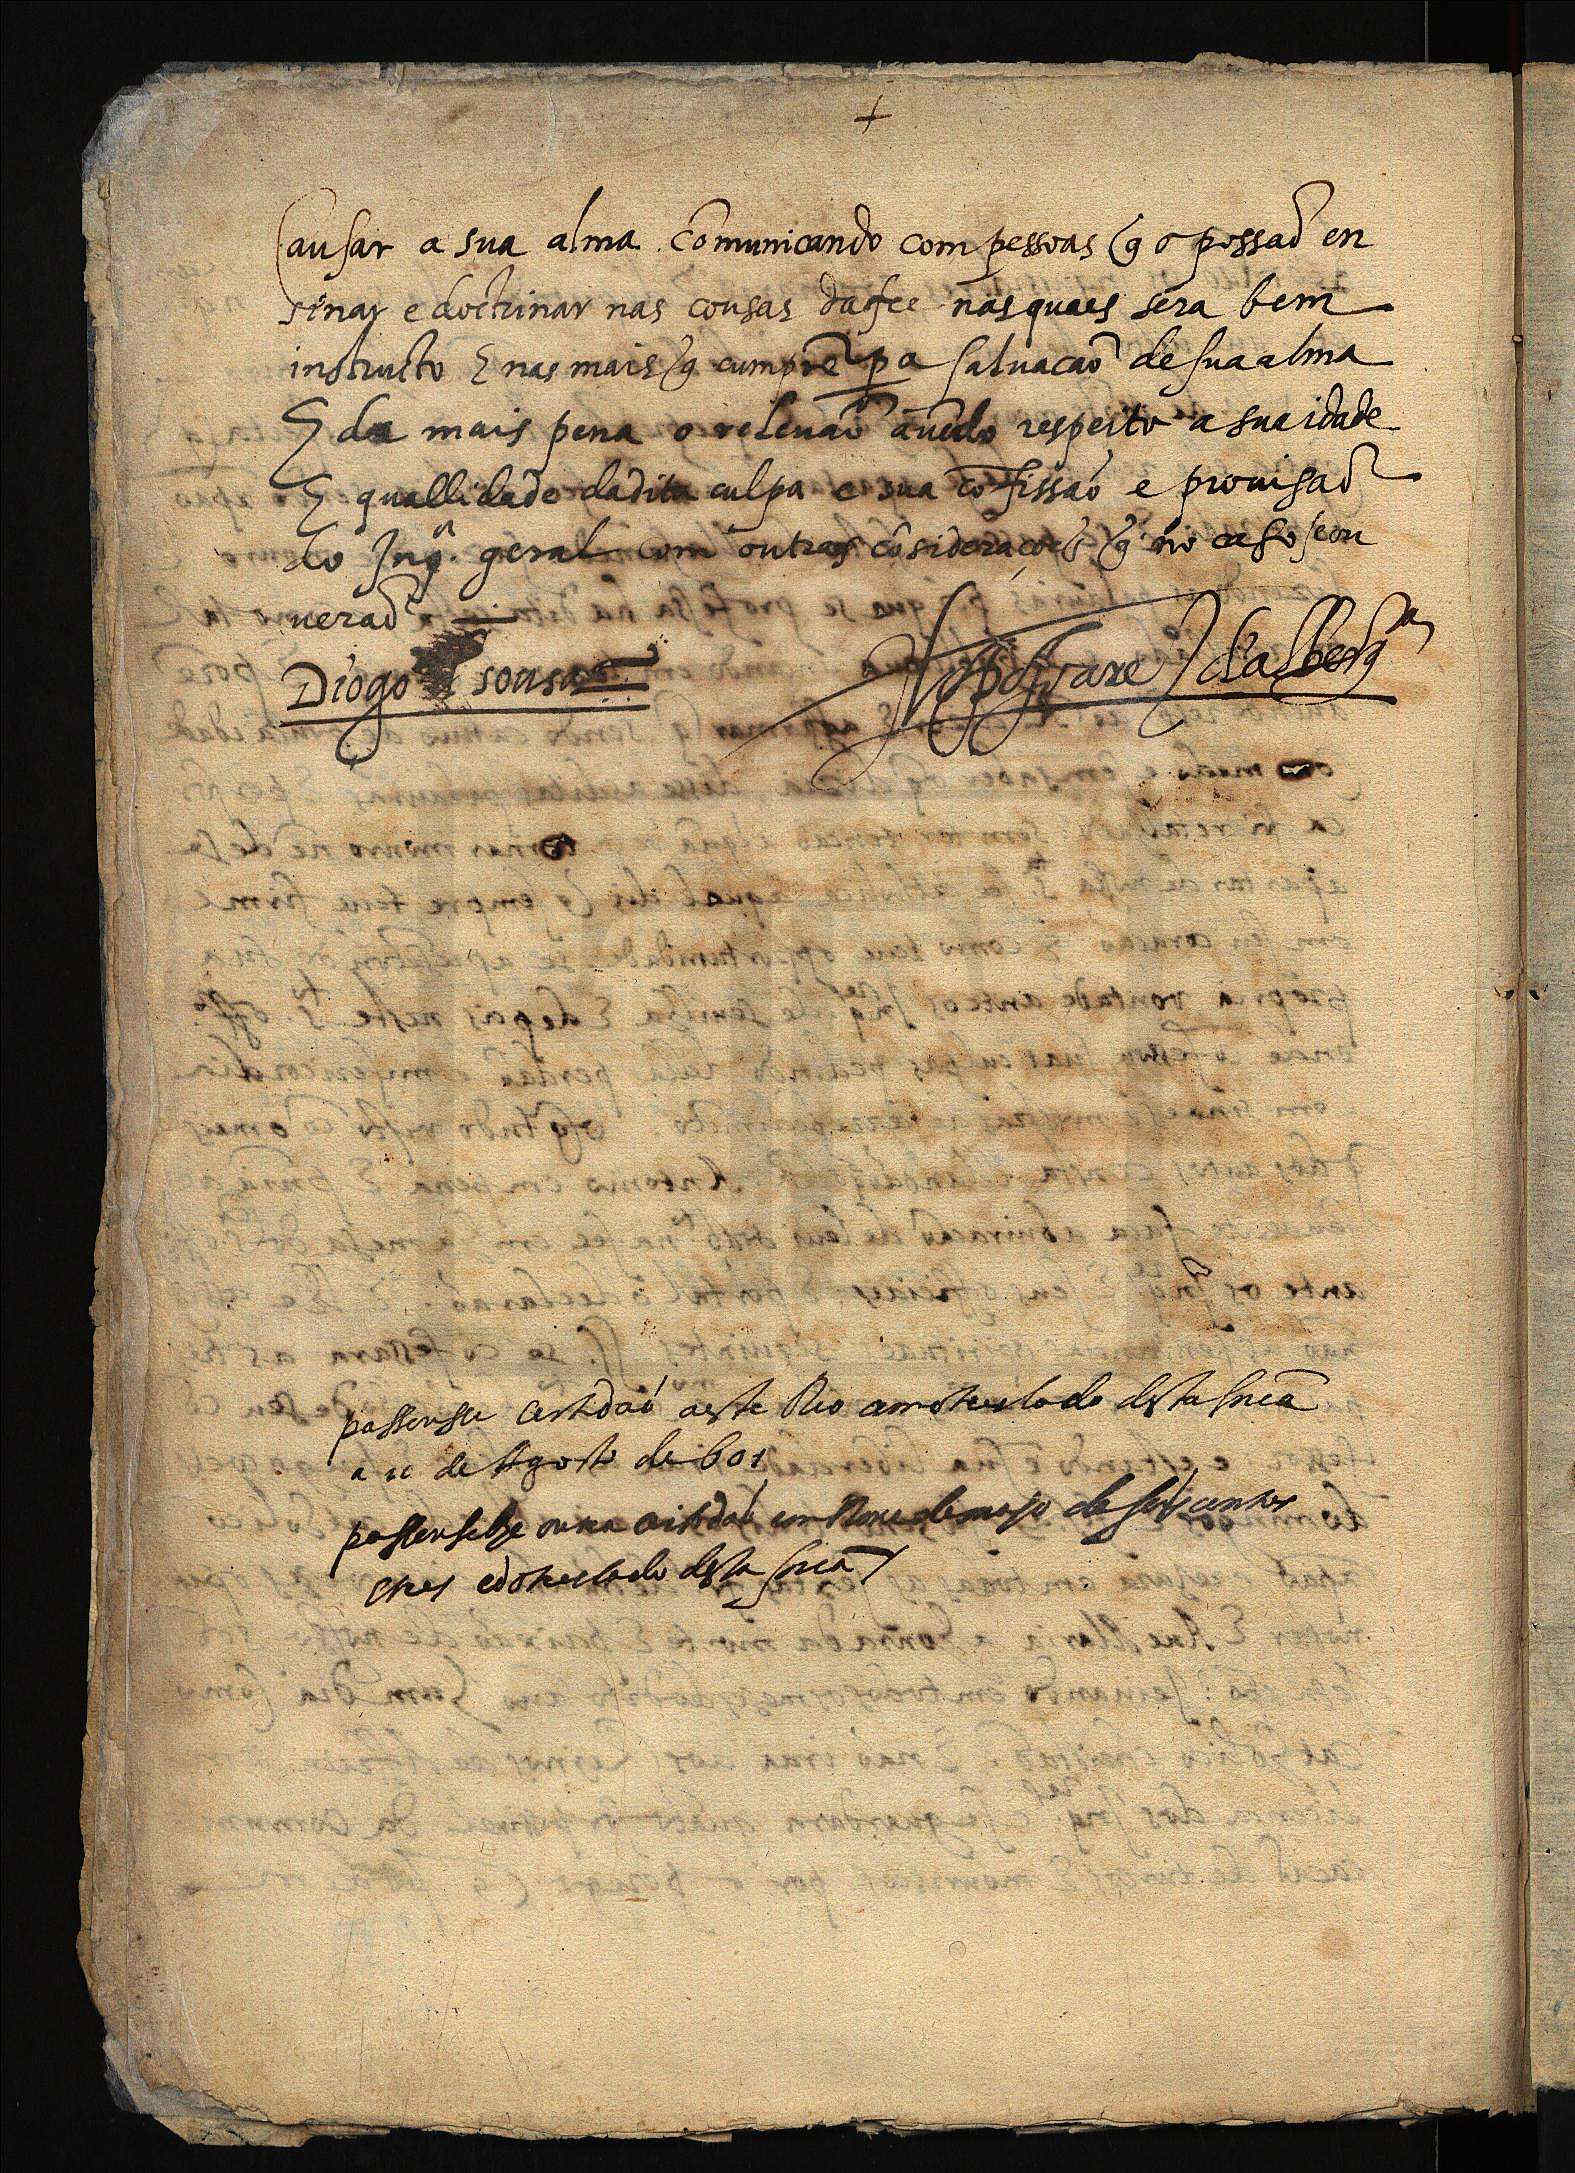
Causar a sua alma cōmunicando com pessoas q̄ o possaõ en
sinar e doctrinar nas cousas da fee nas quaes sera bem
instructo E nas mais q̄ cumprē ꝑa saluacaõ de sua alma
E da mais pena o releuaõ auēdo respeito a sua idade
E quallidade da dita culpa e sua cōfissaõ e prouisaõ
do Jnq.or geral com outras cōsideraçoẽs q̄ no caso se ou
ueraõ.
passousse certidaõ a este Reo com o treslado desta sncā
a 10 de Agosto de 601
passouselhe outra certidaõ em Noue de majo de seiscentos
E tres cō o treslado desta sncā /
